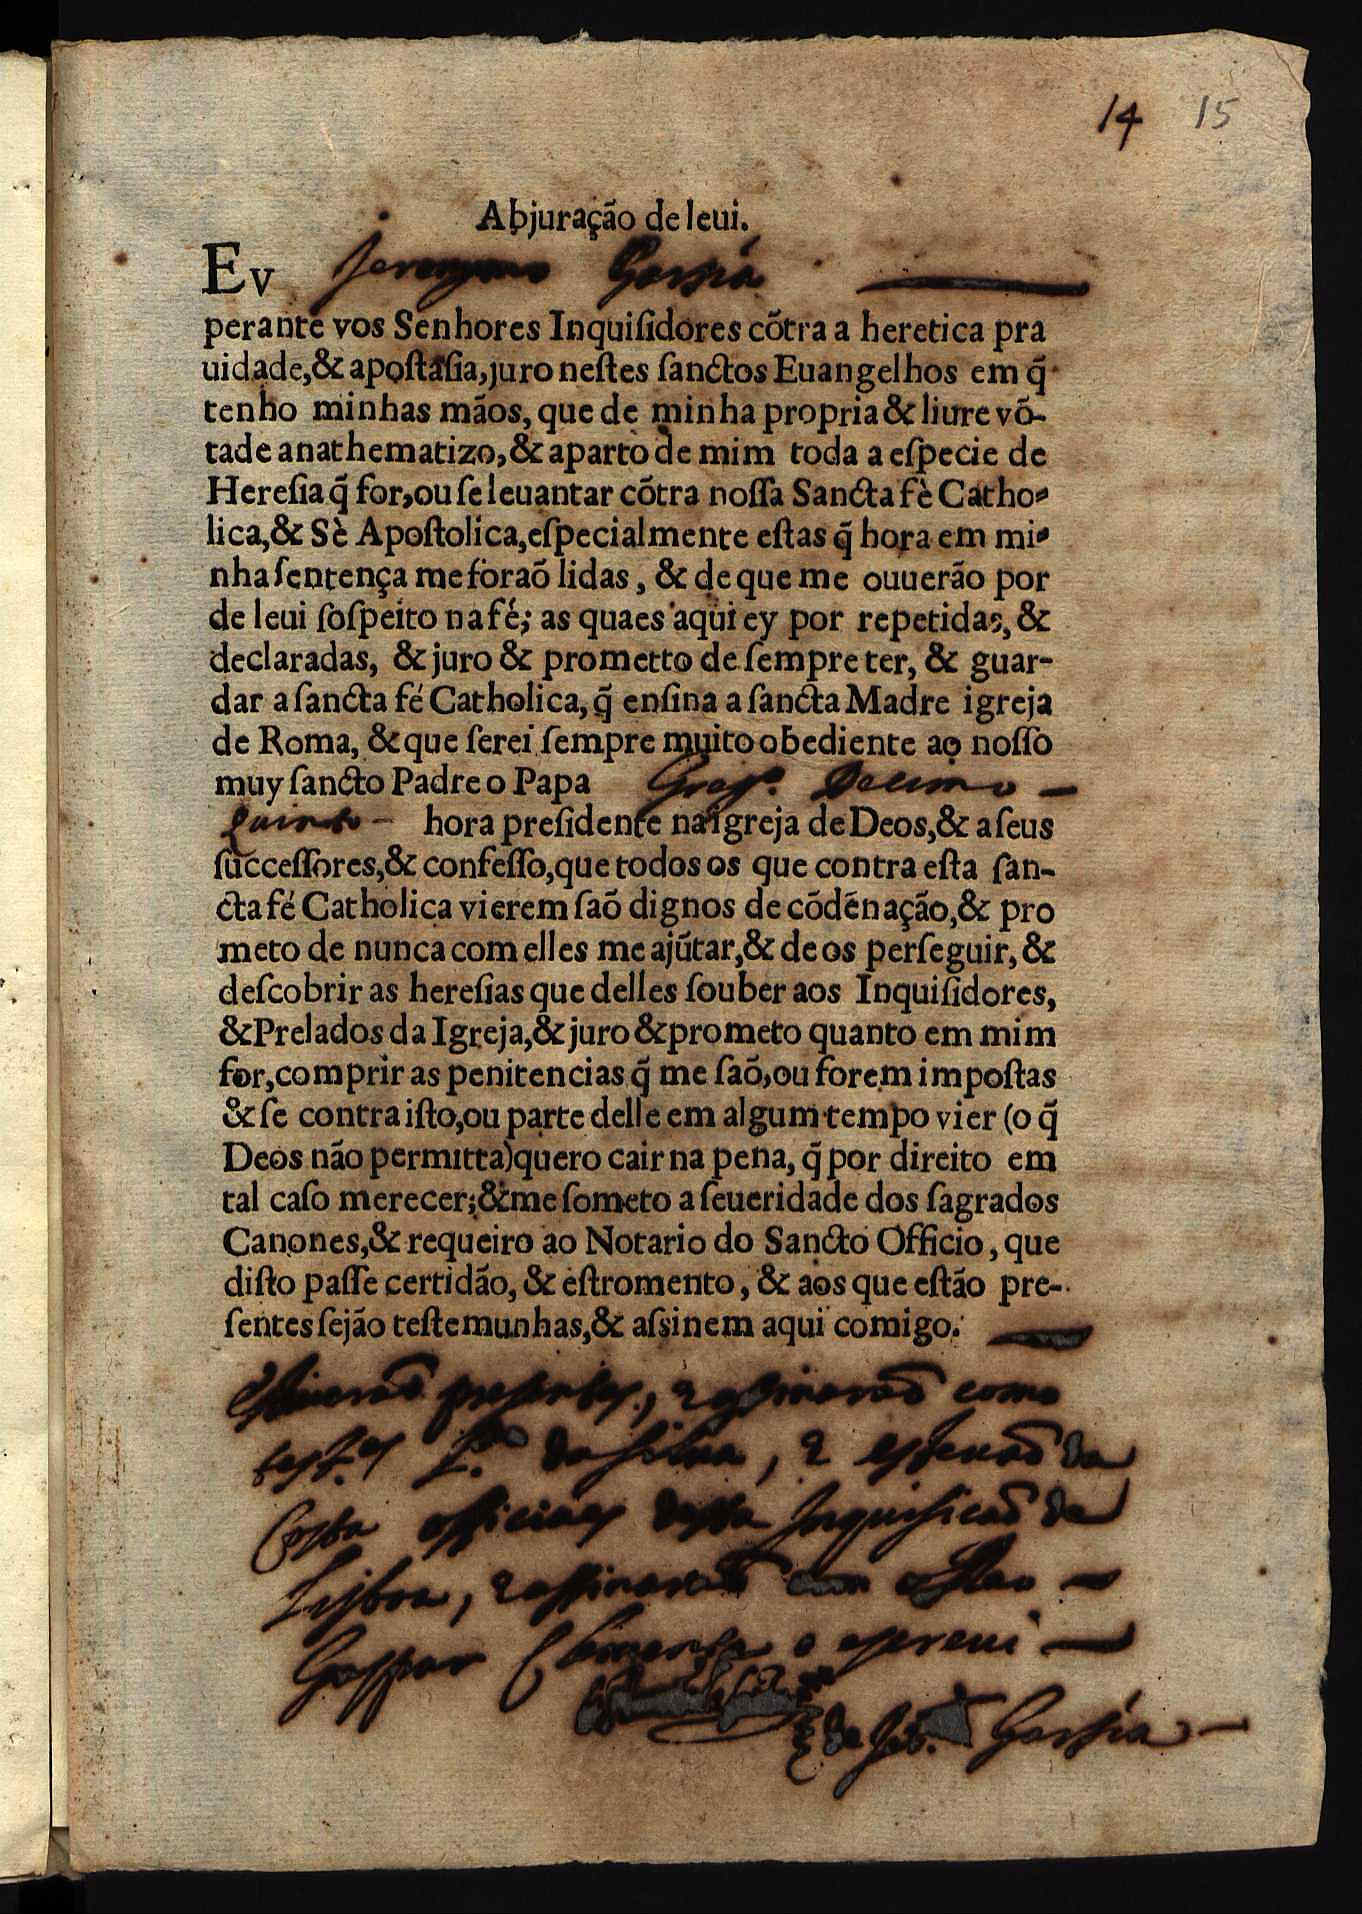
14
Abjuração de leui.
EV Jeronymo Garsia
perante vos Senhores Inquisidores cōtra a heretica pra
uidade, & apostasia, juro nestes sanctos Euangelhos em q̄
tenho minhas mãos, que de minha propria & liure vō
tade anathematizo, & aparto de mim toda a especie de
Heresia q̄ for, ou se leuantar cōtra nossa Sancta fè Catho
lica, & Sè Apostolica, especialmente estas q̄ hora em mi
nha sentença me foraõ lidas, & de que me ouuerão por
de leui sospeito na fé; as quaes aqui ey por repetidas, &
declaradas, & juro & prometto de sempre ter, & guar
dar a sancta fé Catholica, q̄ ensina a sancta Madre igreja
de Roma, & que serei sempre muito obediente ao nosso
muy sancto Padre o Papa Greg.o Decimo
Quinto - hora presidente na Igreja de Deos, & a seus
successores, & confesso, que todos os que contra esta san
cta fé Catholica vierem saõ dignos de cōdēnação, & pro
meto de nunca com elles me ajūtar, & de os perseguir, &
descobrir as heresias que delles souber aos Inquisidores,
& Prelados da Igreja, & juro & prometo quanto em mim
for, comprir as penitencias q̄ me saõ, ou forem impostas
& se contra isto, ou parte delle em algum tempo vier (o q̄
Deos não permitta) quero cair na pena, q̄ por direito em
tal caso merecer; & me someto a seueridade dos sagrados
Canones, & requeiro ao Notario do Sancto Officio, que
disto passe certidão, & estromento, & aos que estão pre
sentes sejão testemunhas, & assinem aqui comigo.
estiueraõ presentes, E assinaraõ como
test.as P.o da silua, E esteuaõ da
Costa officiaes desta Jnquisiçaõ de
Lisboa, E assinaraõ com o Reo
Gaspar Clemente o escreui
de João + Garsia
